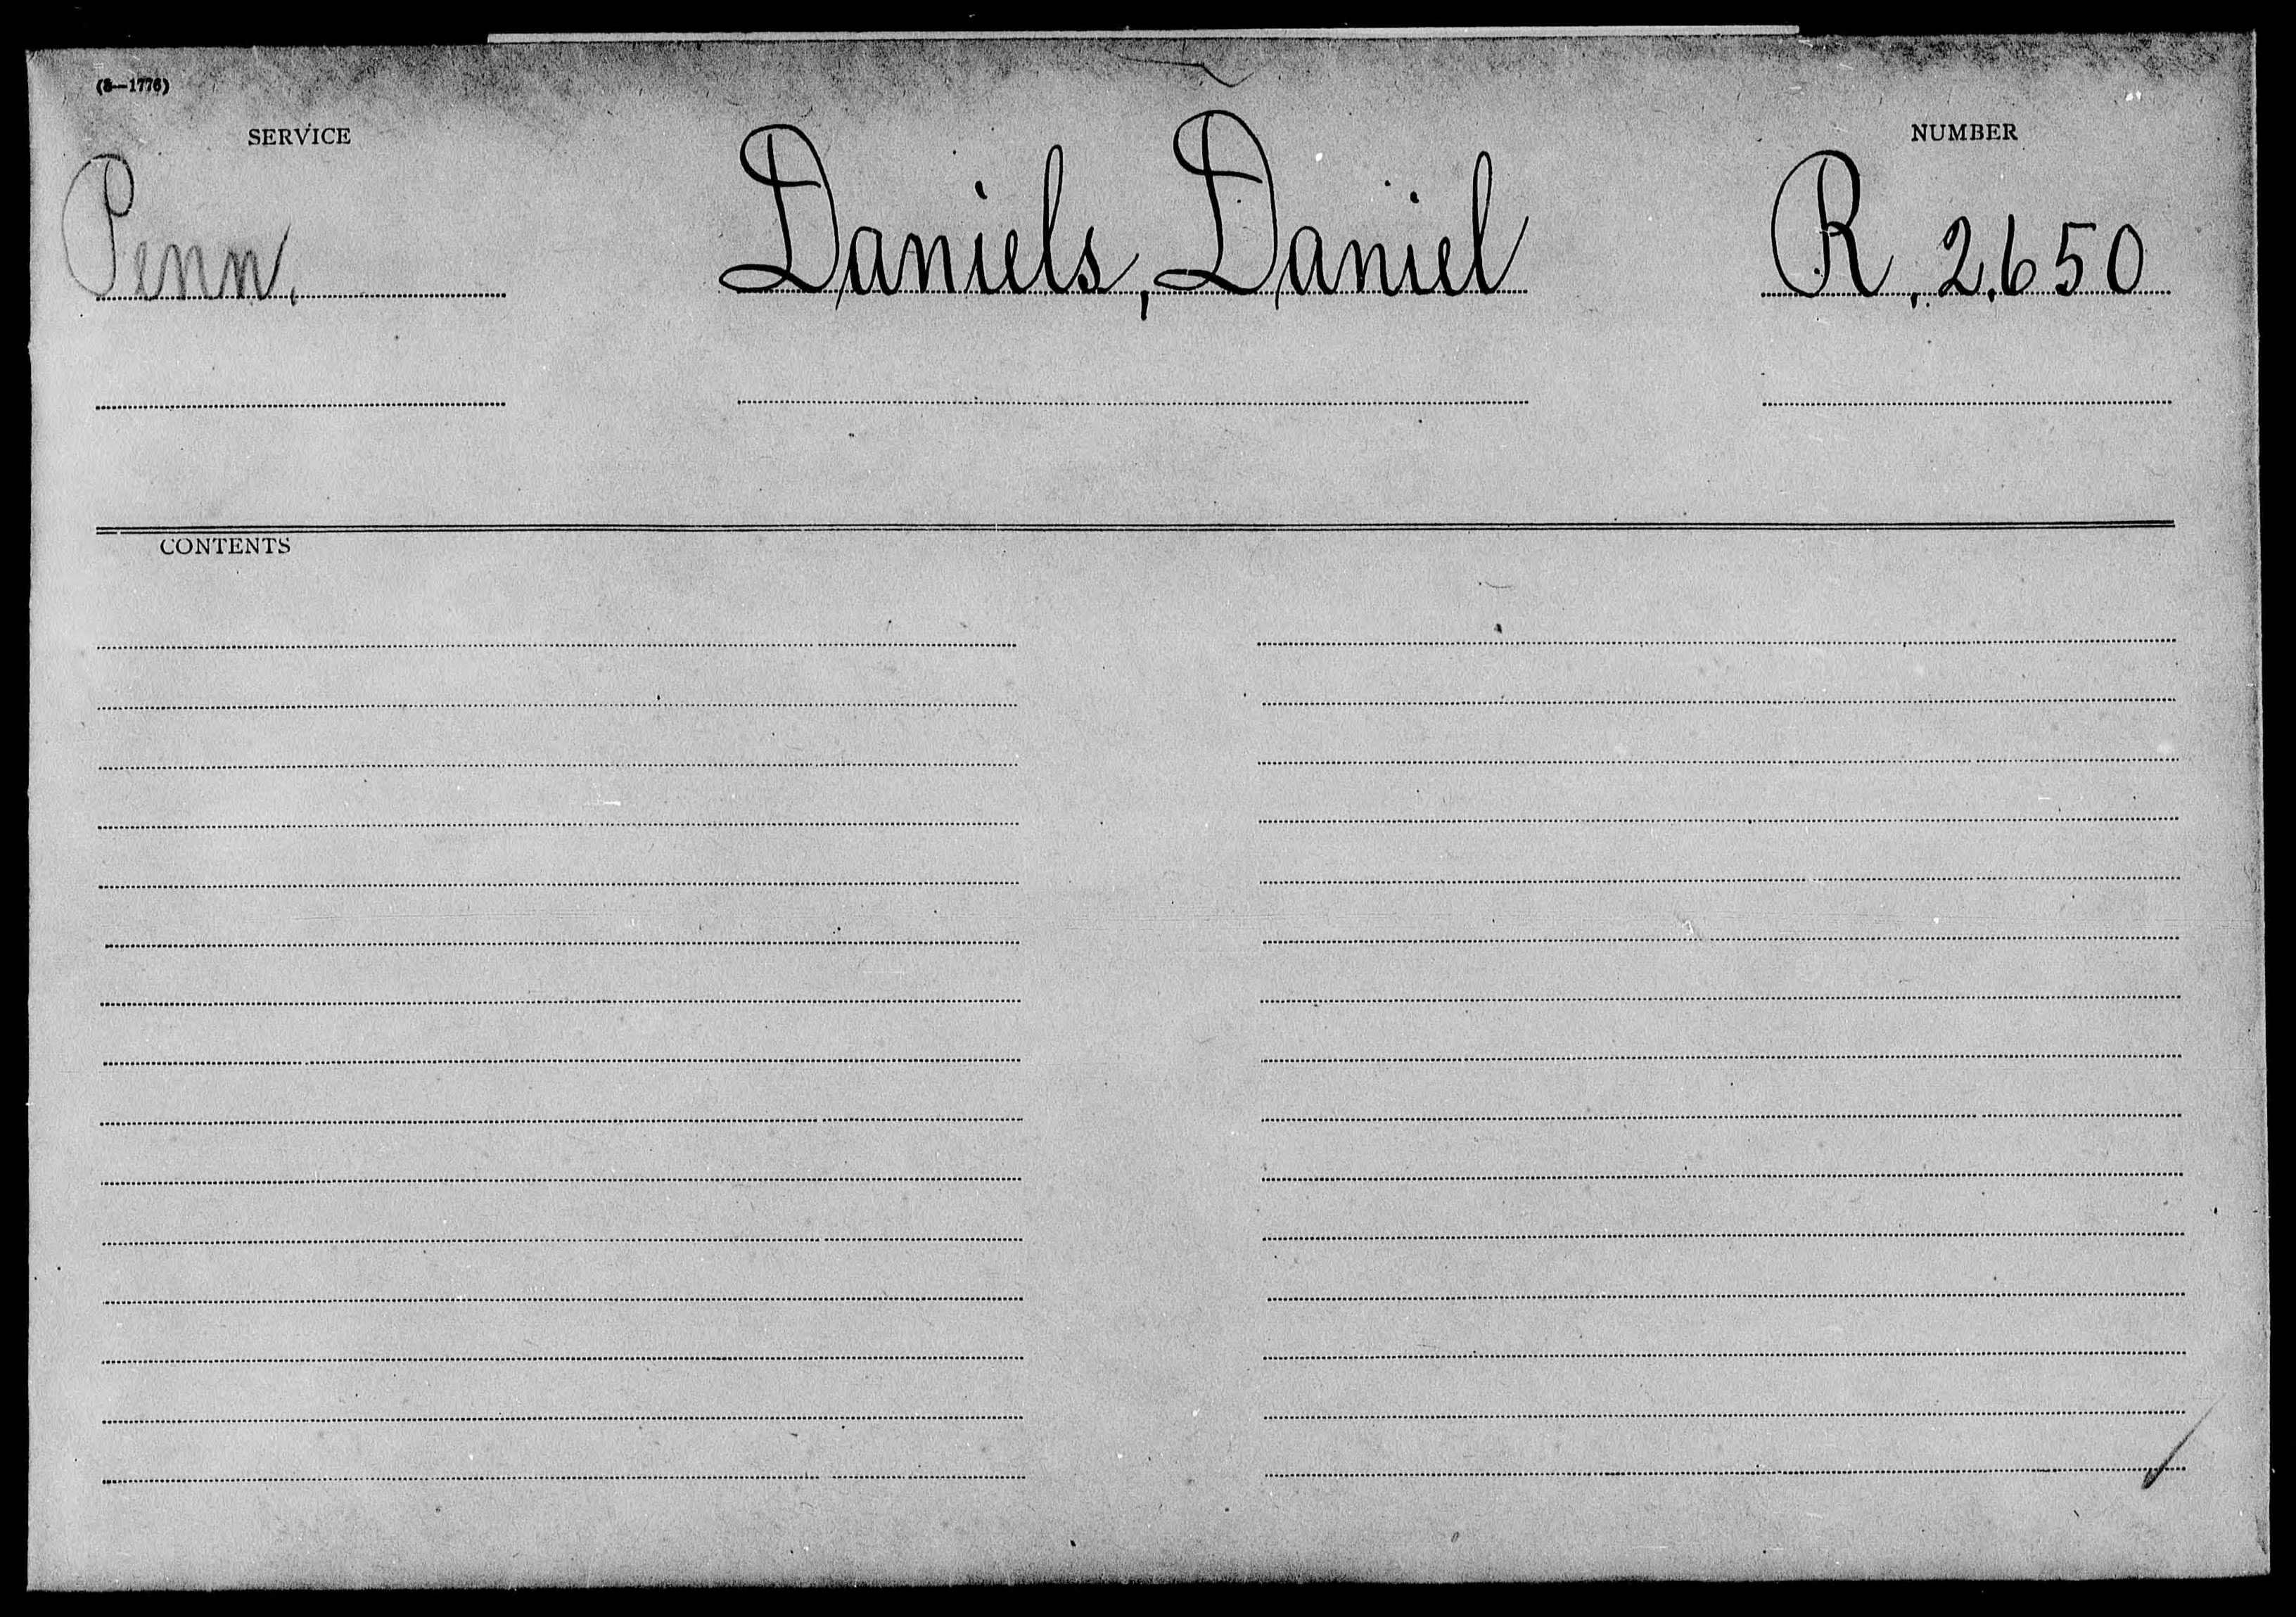(3-1776)
SERVICE
Penn.
Daniels, Daniel
NUMBER
R2650
CONTENTS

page: 1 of 35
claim: rejected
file: R. 2,650, Daniel Daniels, Penn.